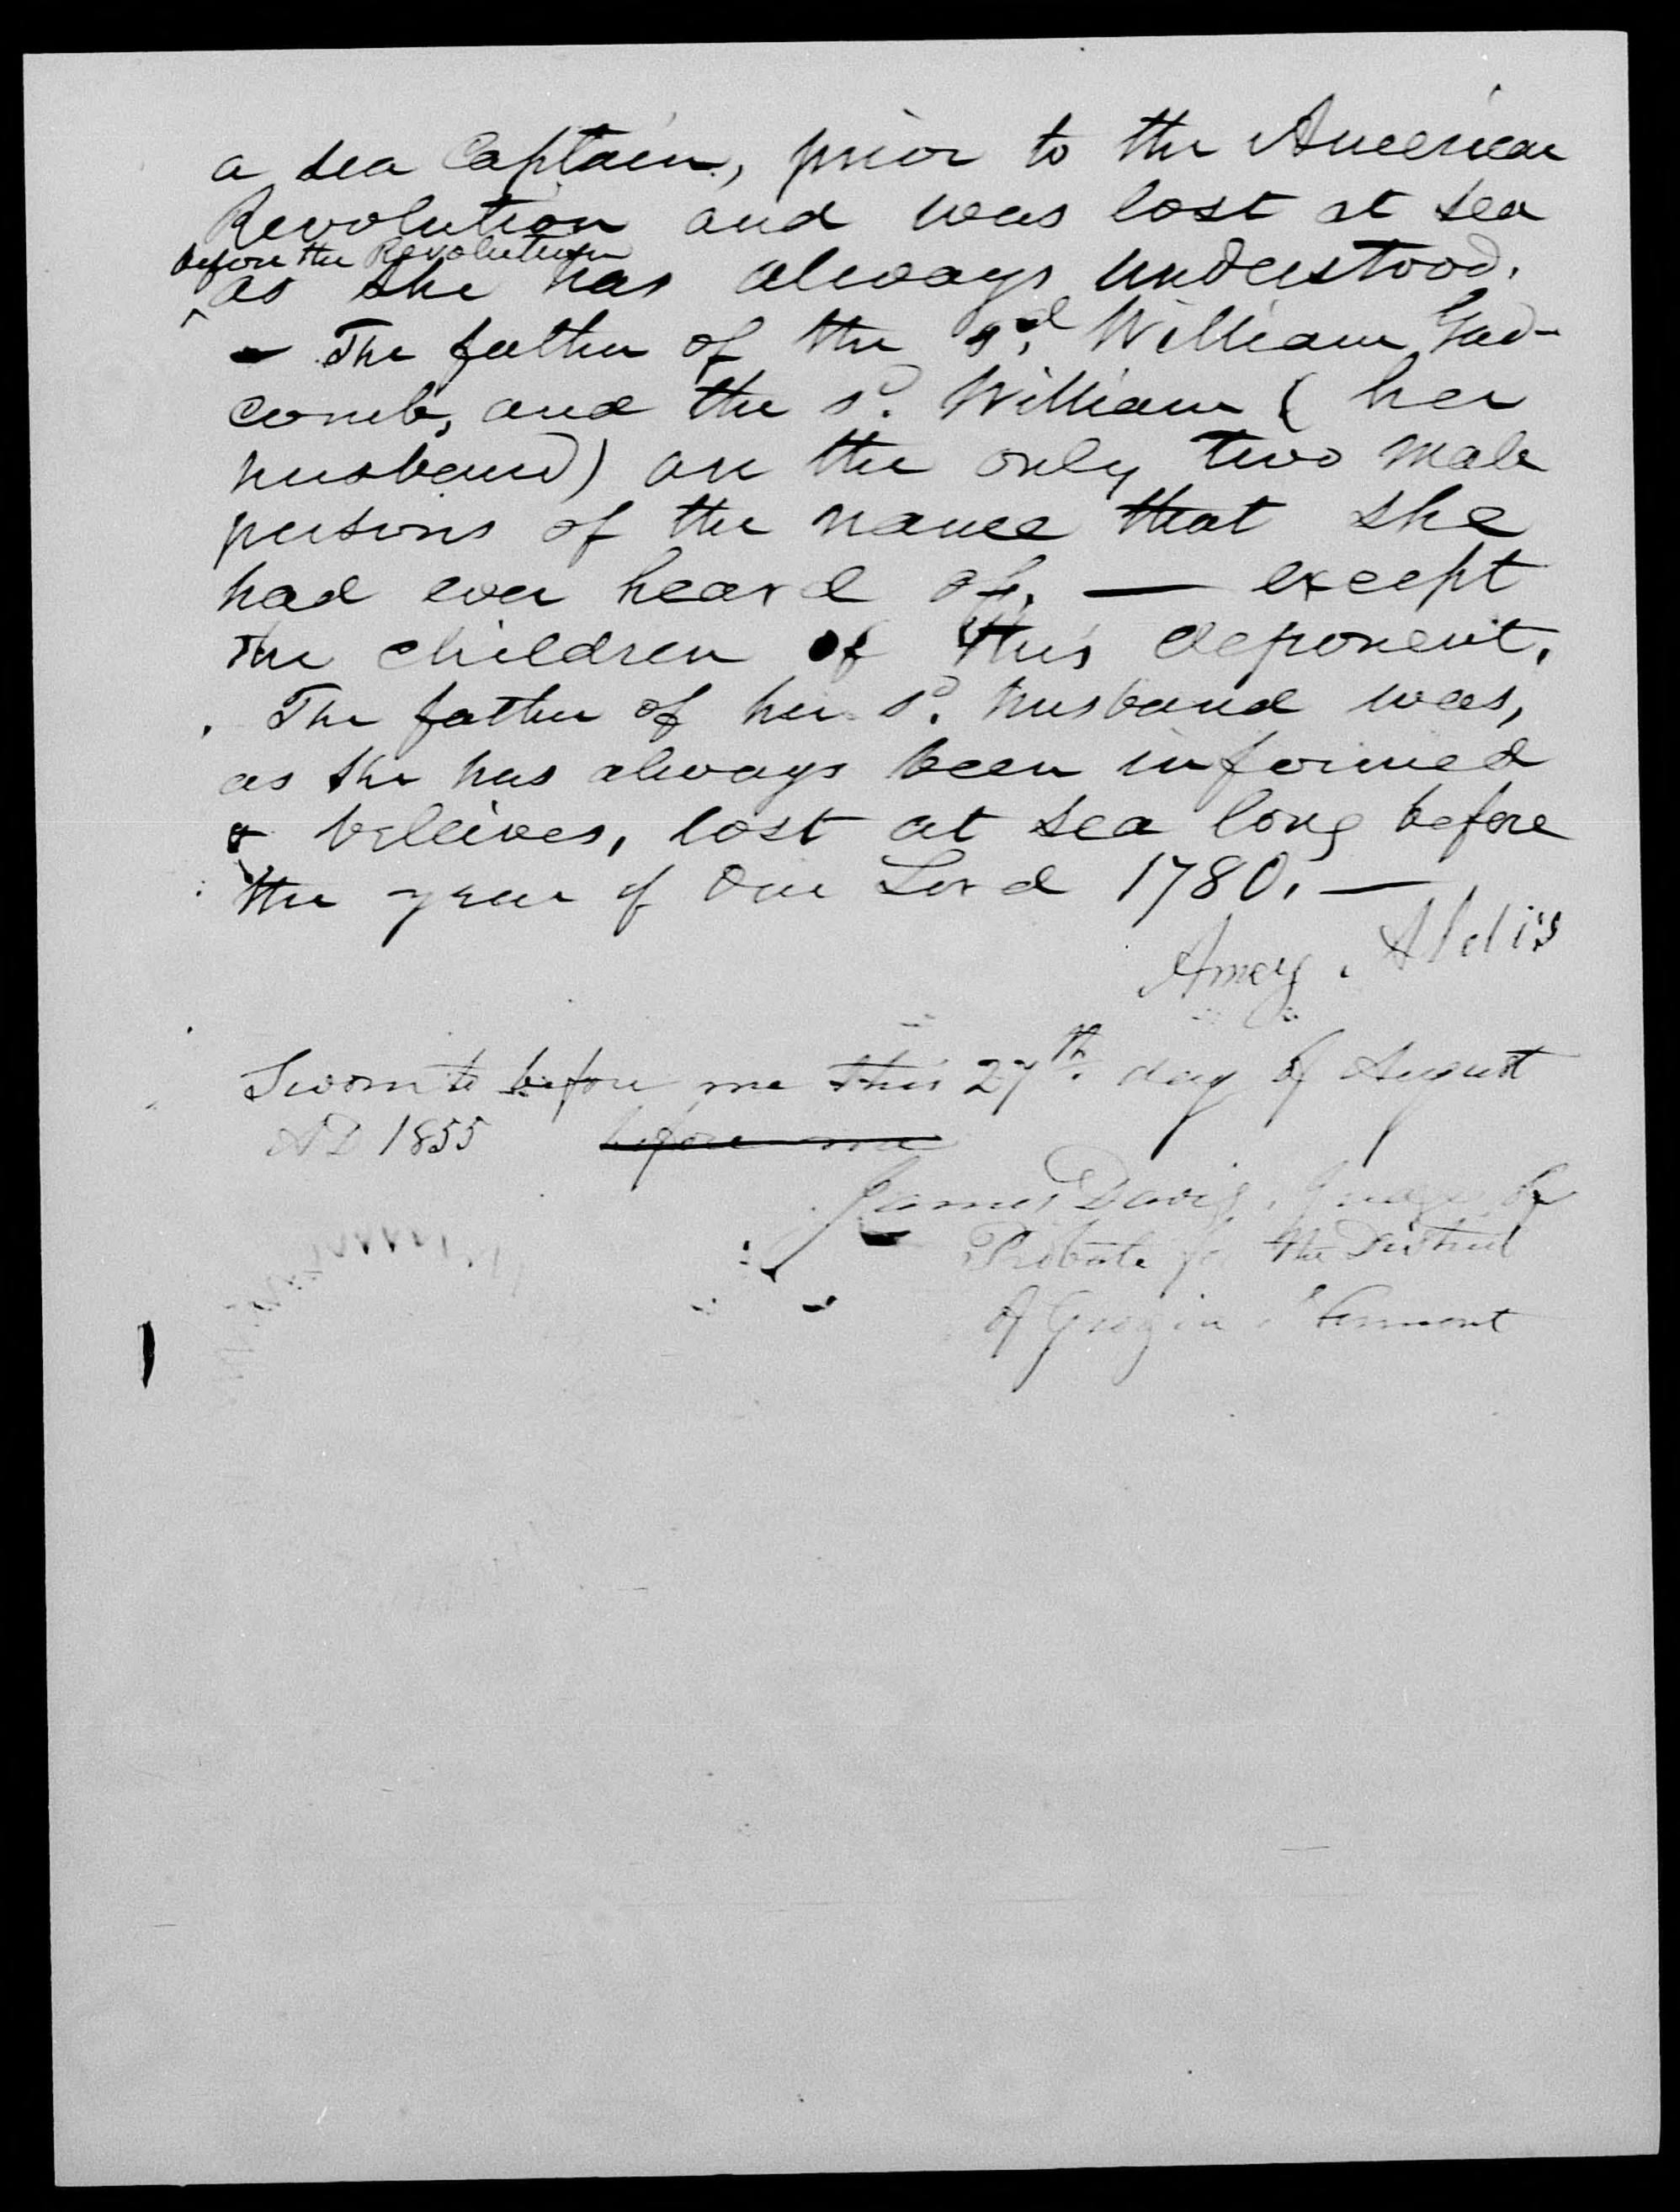a sea captain, prior to the American
Revolution and was lost at sea
before the Revolution as she has always understood. 
The father of the sd William 
Gadcomb, and the sd William (her
husband) are the only two male
persons of the name that she
had ever heard of, except
the children of this deponent. 
The father of her sd husband was
as she has always been informed
& believes, lost at sea long before
the year of Our Lord 1780.-
Amey Aldis
Sworn to before me this 27th day of August
A. D. 1855
James Davis, Judge of
Probate for the District
of Georgia, Vermont
[seal]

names: Amey Aldis, James Davis, William Gadcomb, William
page: 27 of 76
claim: widow's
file: W. 15,517, William Gadcomb, R.I.